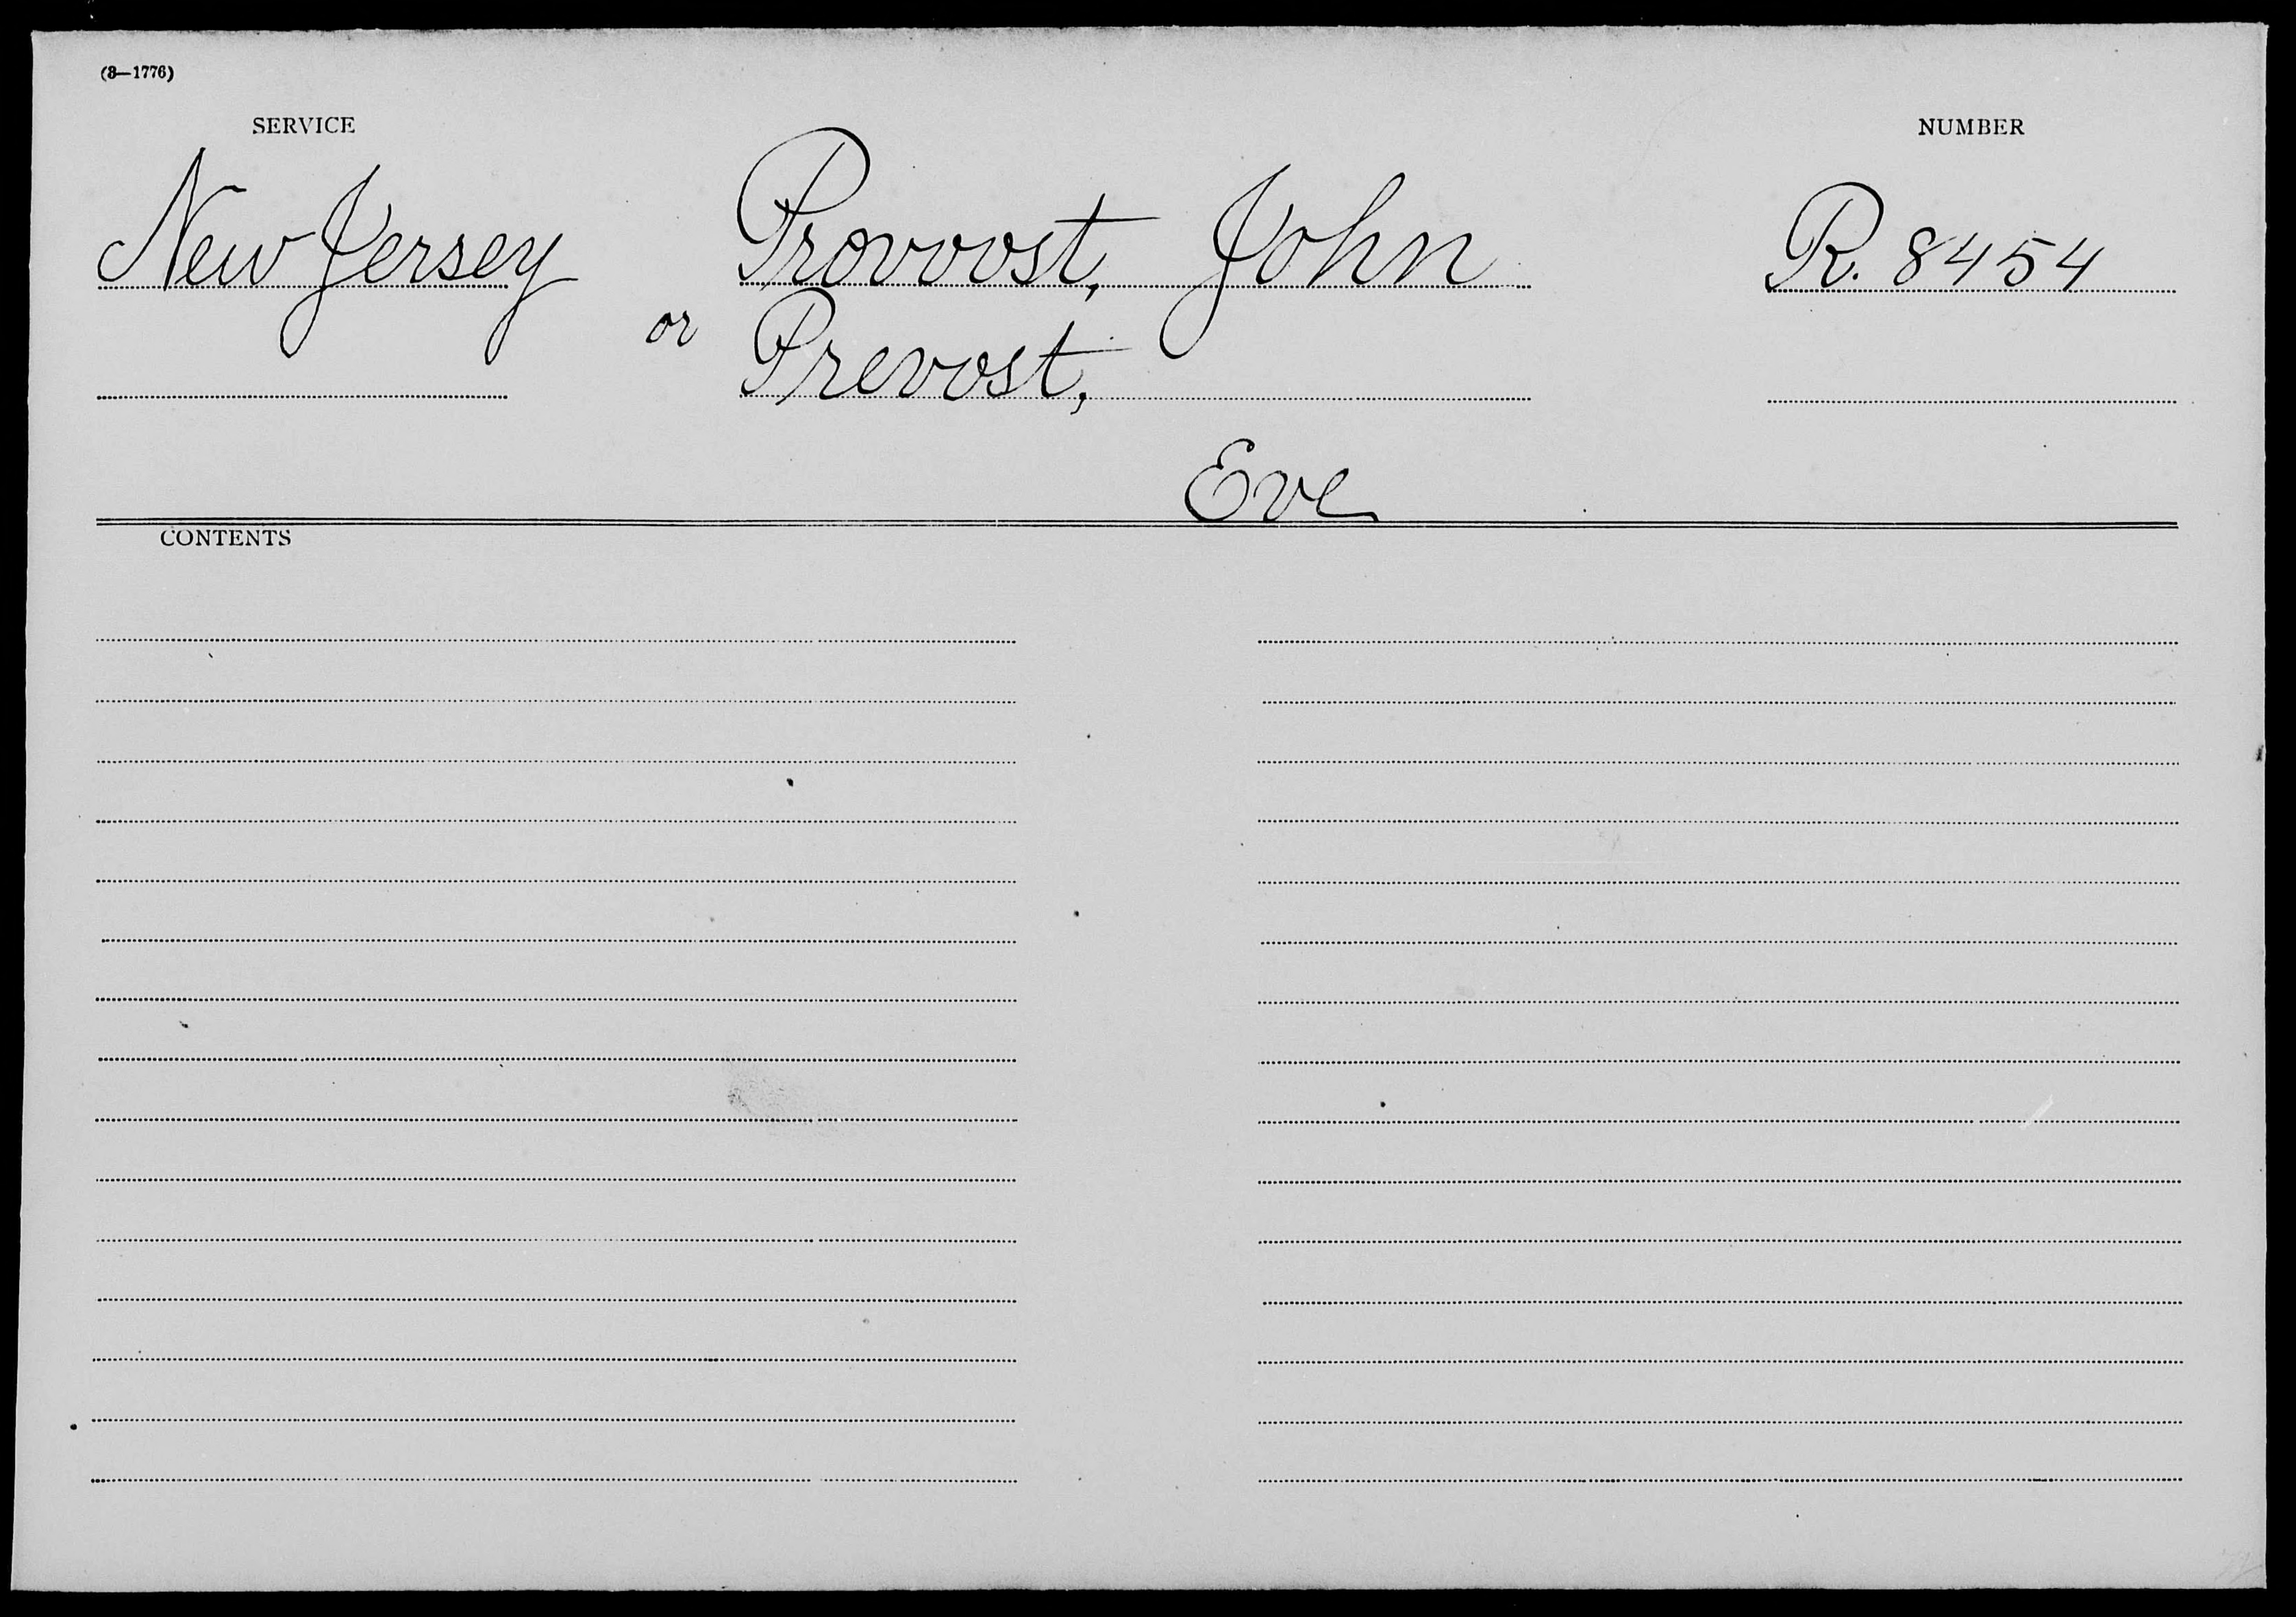(3-1776)

SERVICE
New Jersey

Provoost, John 
or Prevost 
Eve

NUMBER
R. 8454 

CONTENTS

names: John Prevost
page: 1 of 19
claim: rejected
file: R. 8454, for John Provoost, New Jersey